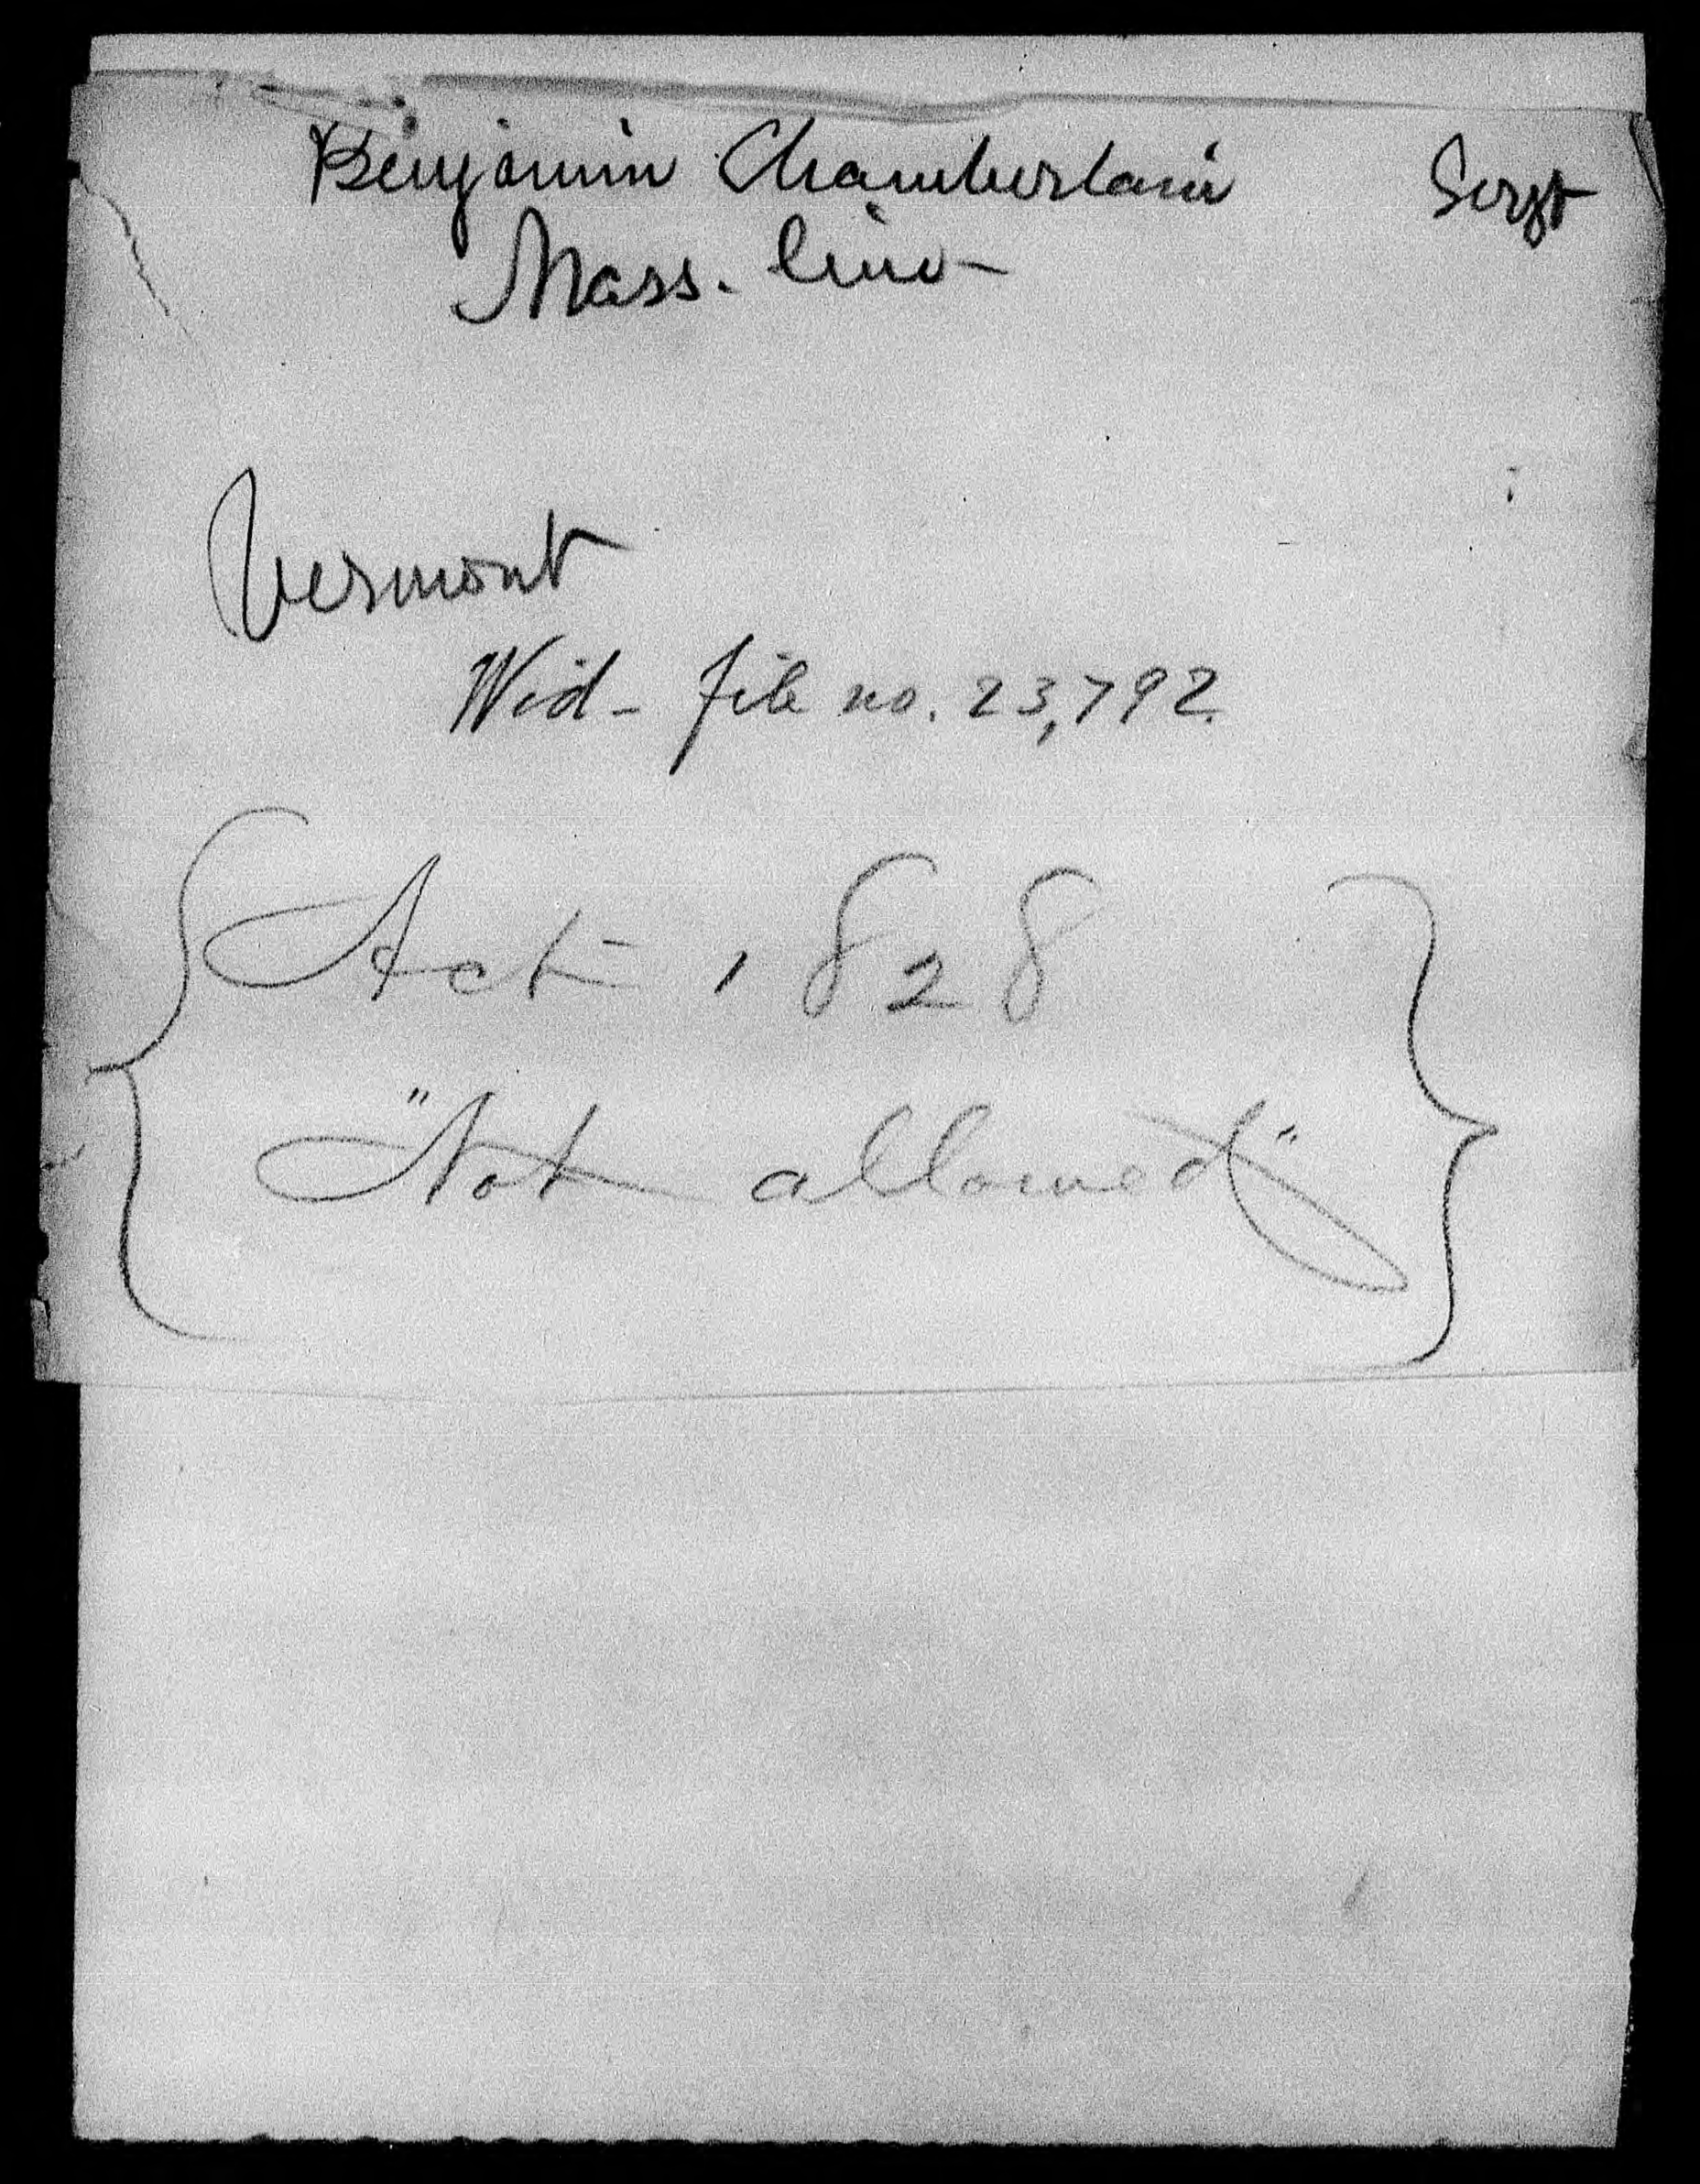Benjamin Chamberlain  Sergt
Mass. line - 
Vermont  Wid - file no. 23,790
Act 1828
Not allowed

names: Benjamin Chamberlain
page: 13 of 30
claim: survivor's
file: S. 39306, Benjamin Chamberlin, Mass.